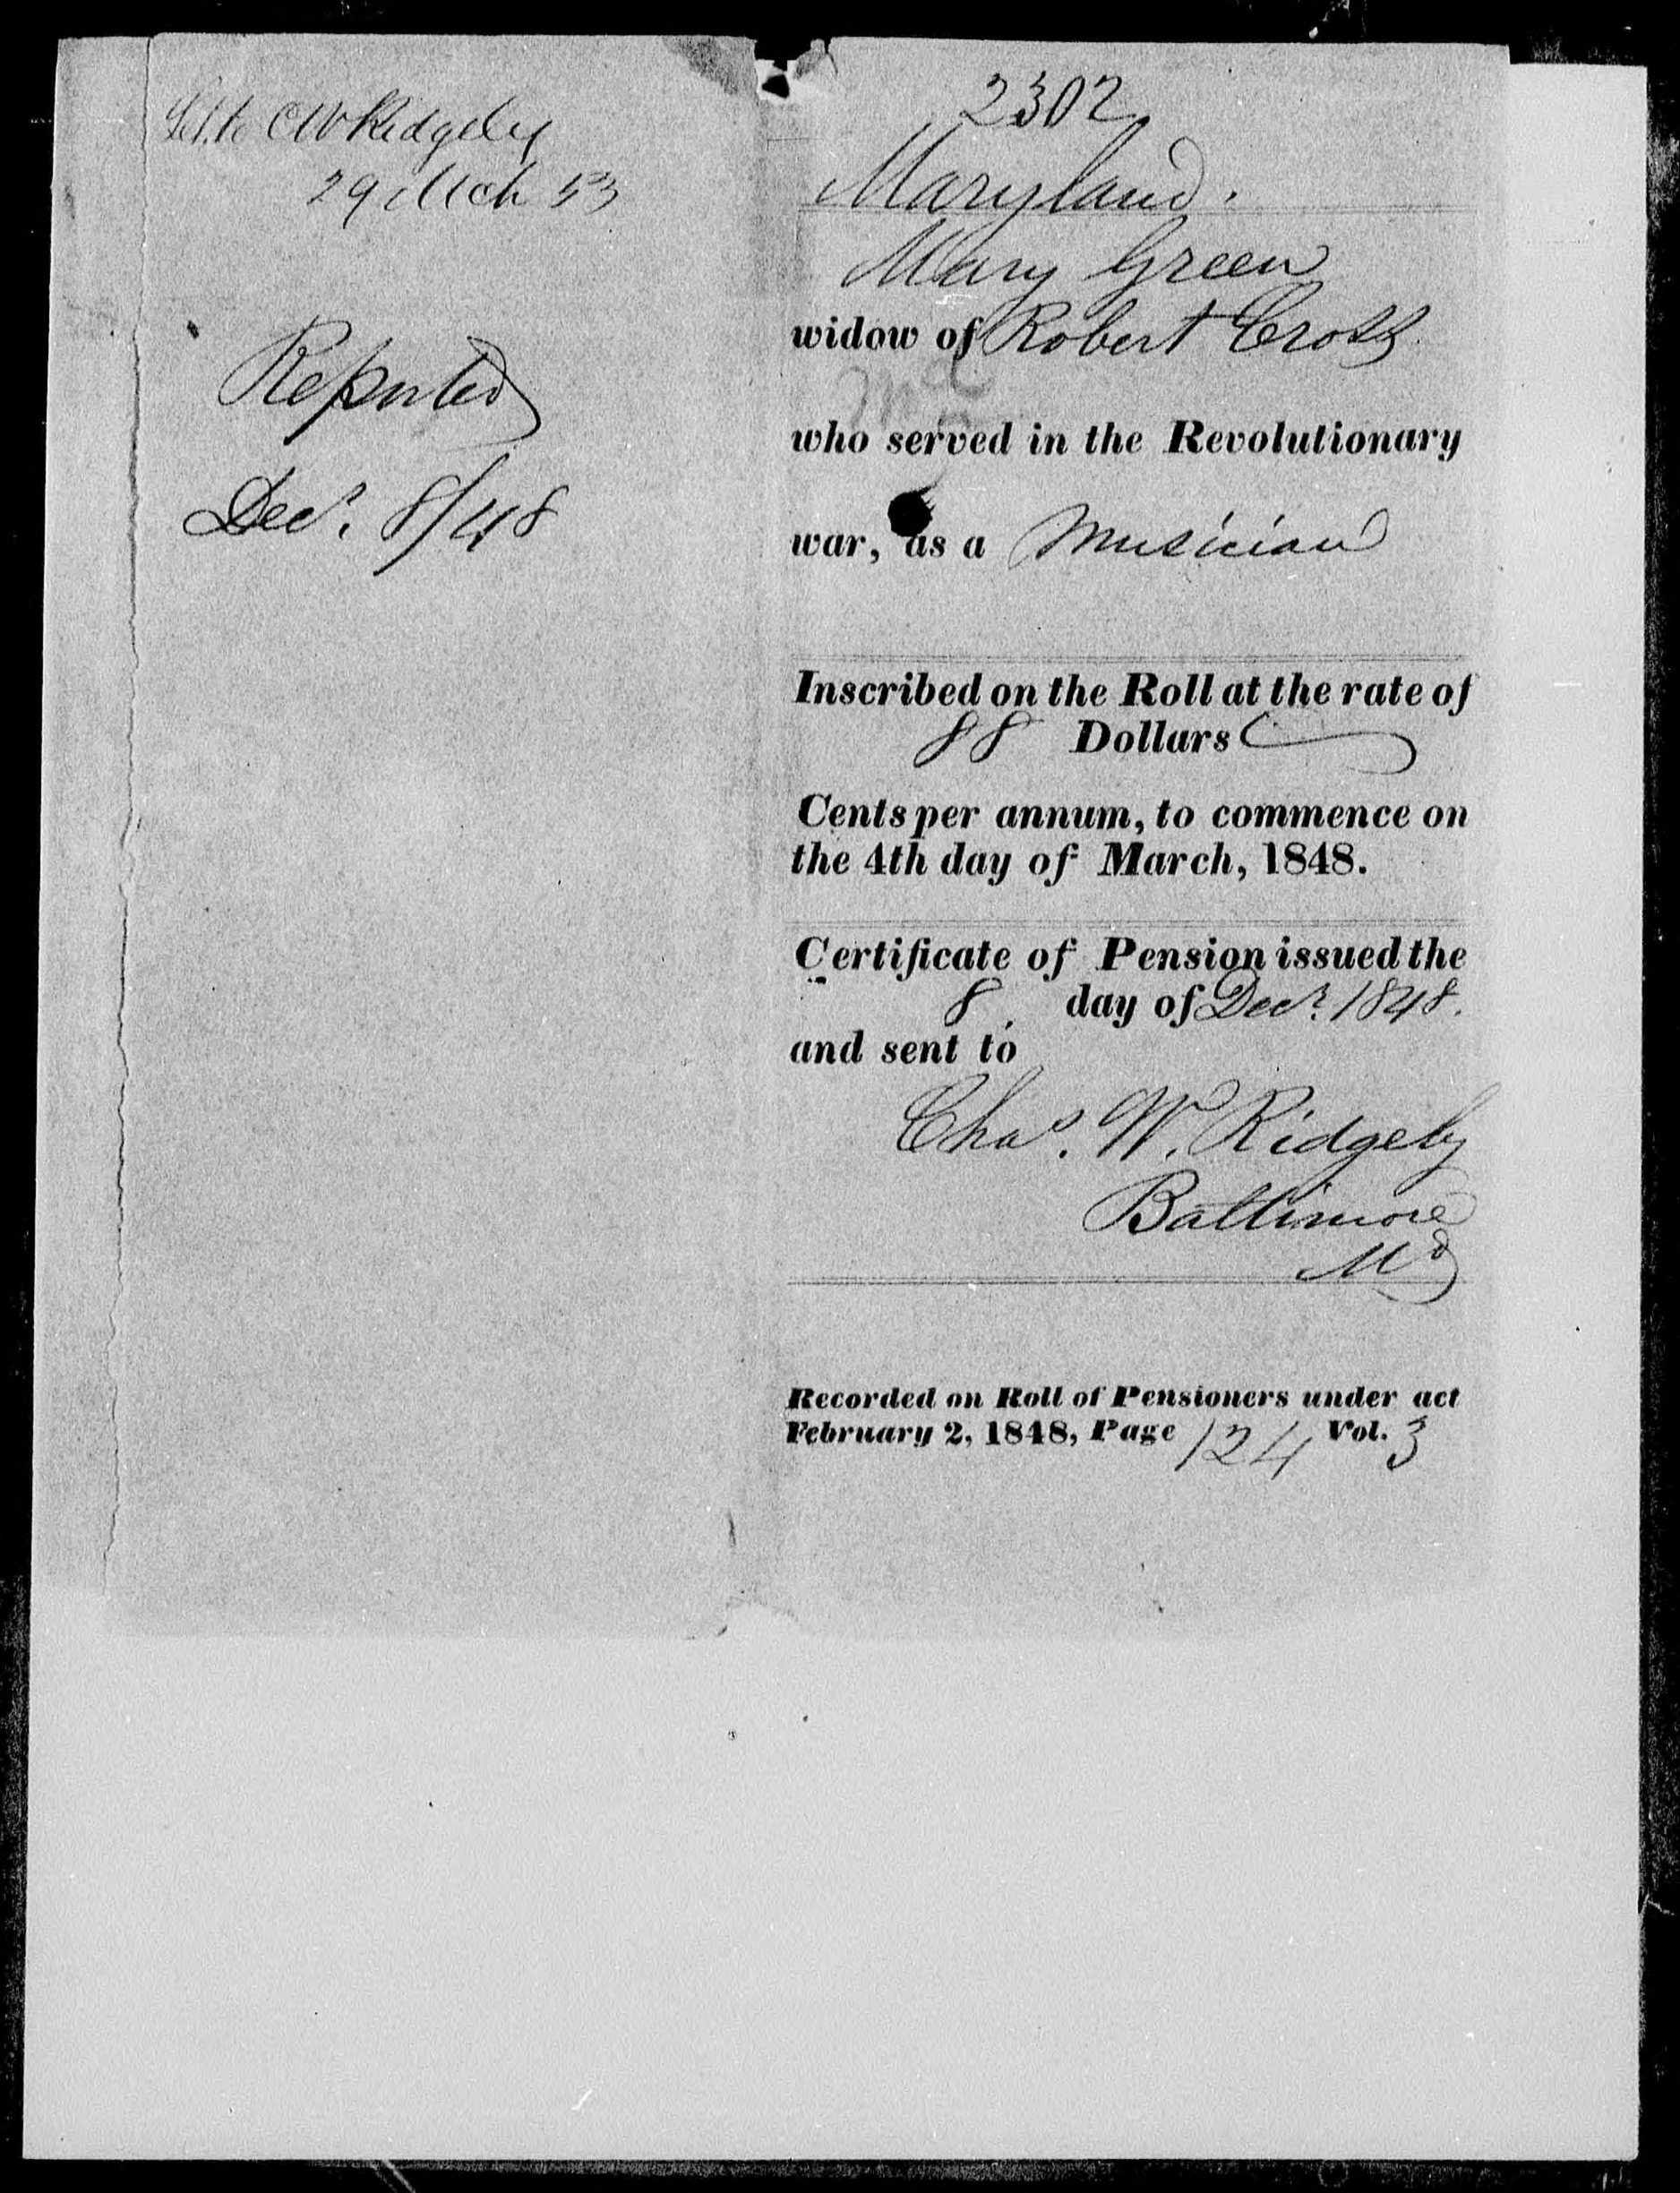Let. to CW Ridgely
2 [illegible] 33

Reported
See: 8148

2302
Maryland,
Mary Green
widow of Robert Cross
md [faded]
who served in the Revolutionary 
war, as a musician

Inscribed on the Roll at the rate of
88 dollars
Cents per annum, to commence on 
the 4th day of March, 1848

Certificate of Pension issued the
8 day of Dec, 1848.
and sent to 
Chas. W. Ridgely
Baltimore
MD

Recorded on Roll of Pensioners under act
February 2, 1848, Page 124 Vol. 3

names: Robert Cross, C W Ridgely, Mary Green, Chas W Ridgely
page: 2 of 26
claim: widow's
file: W 25651, Robert Cross, Md.